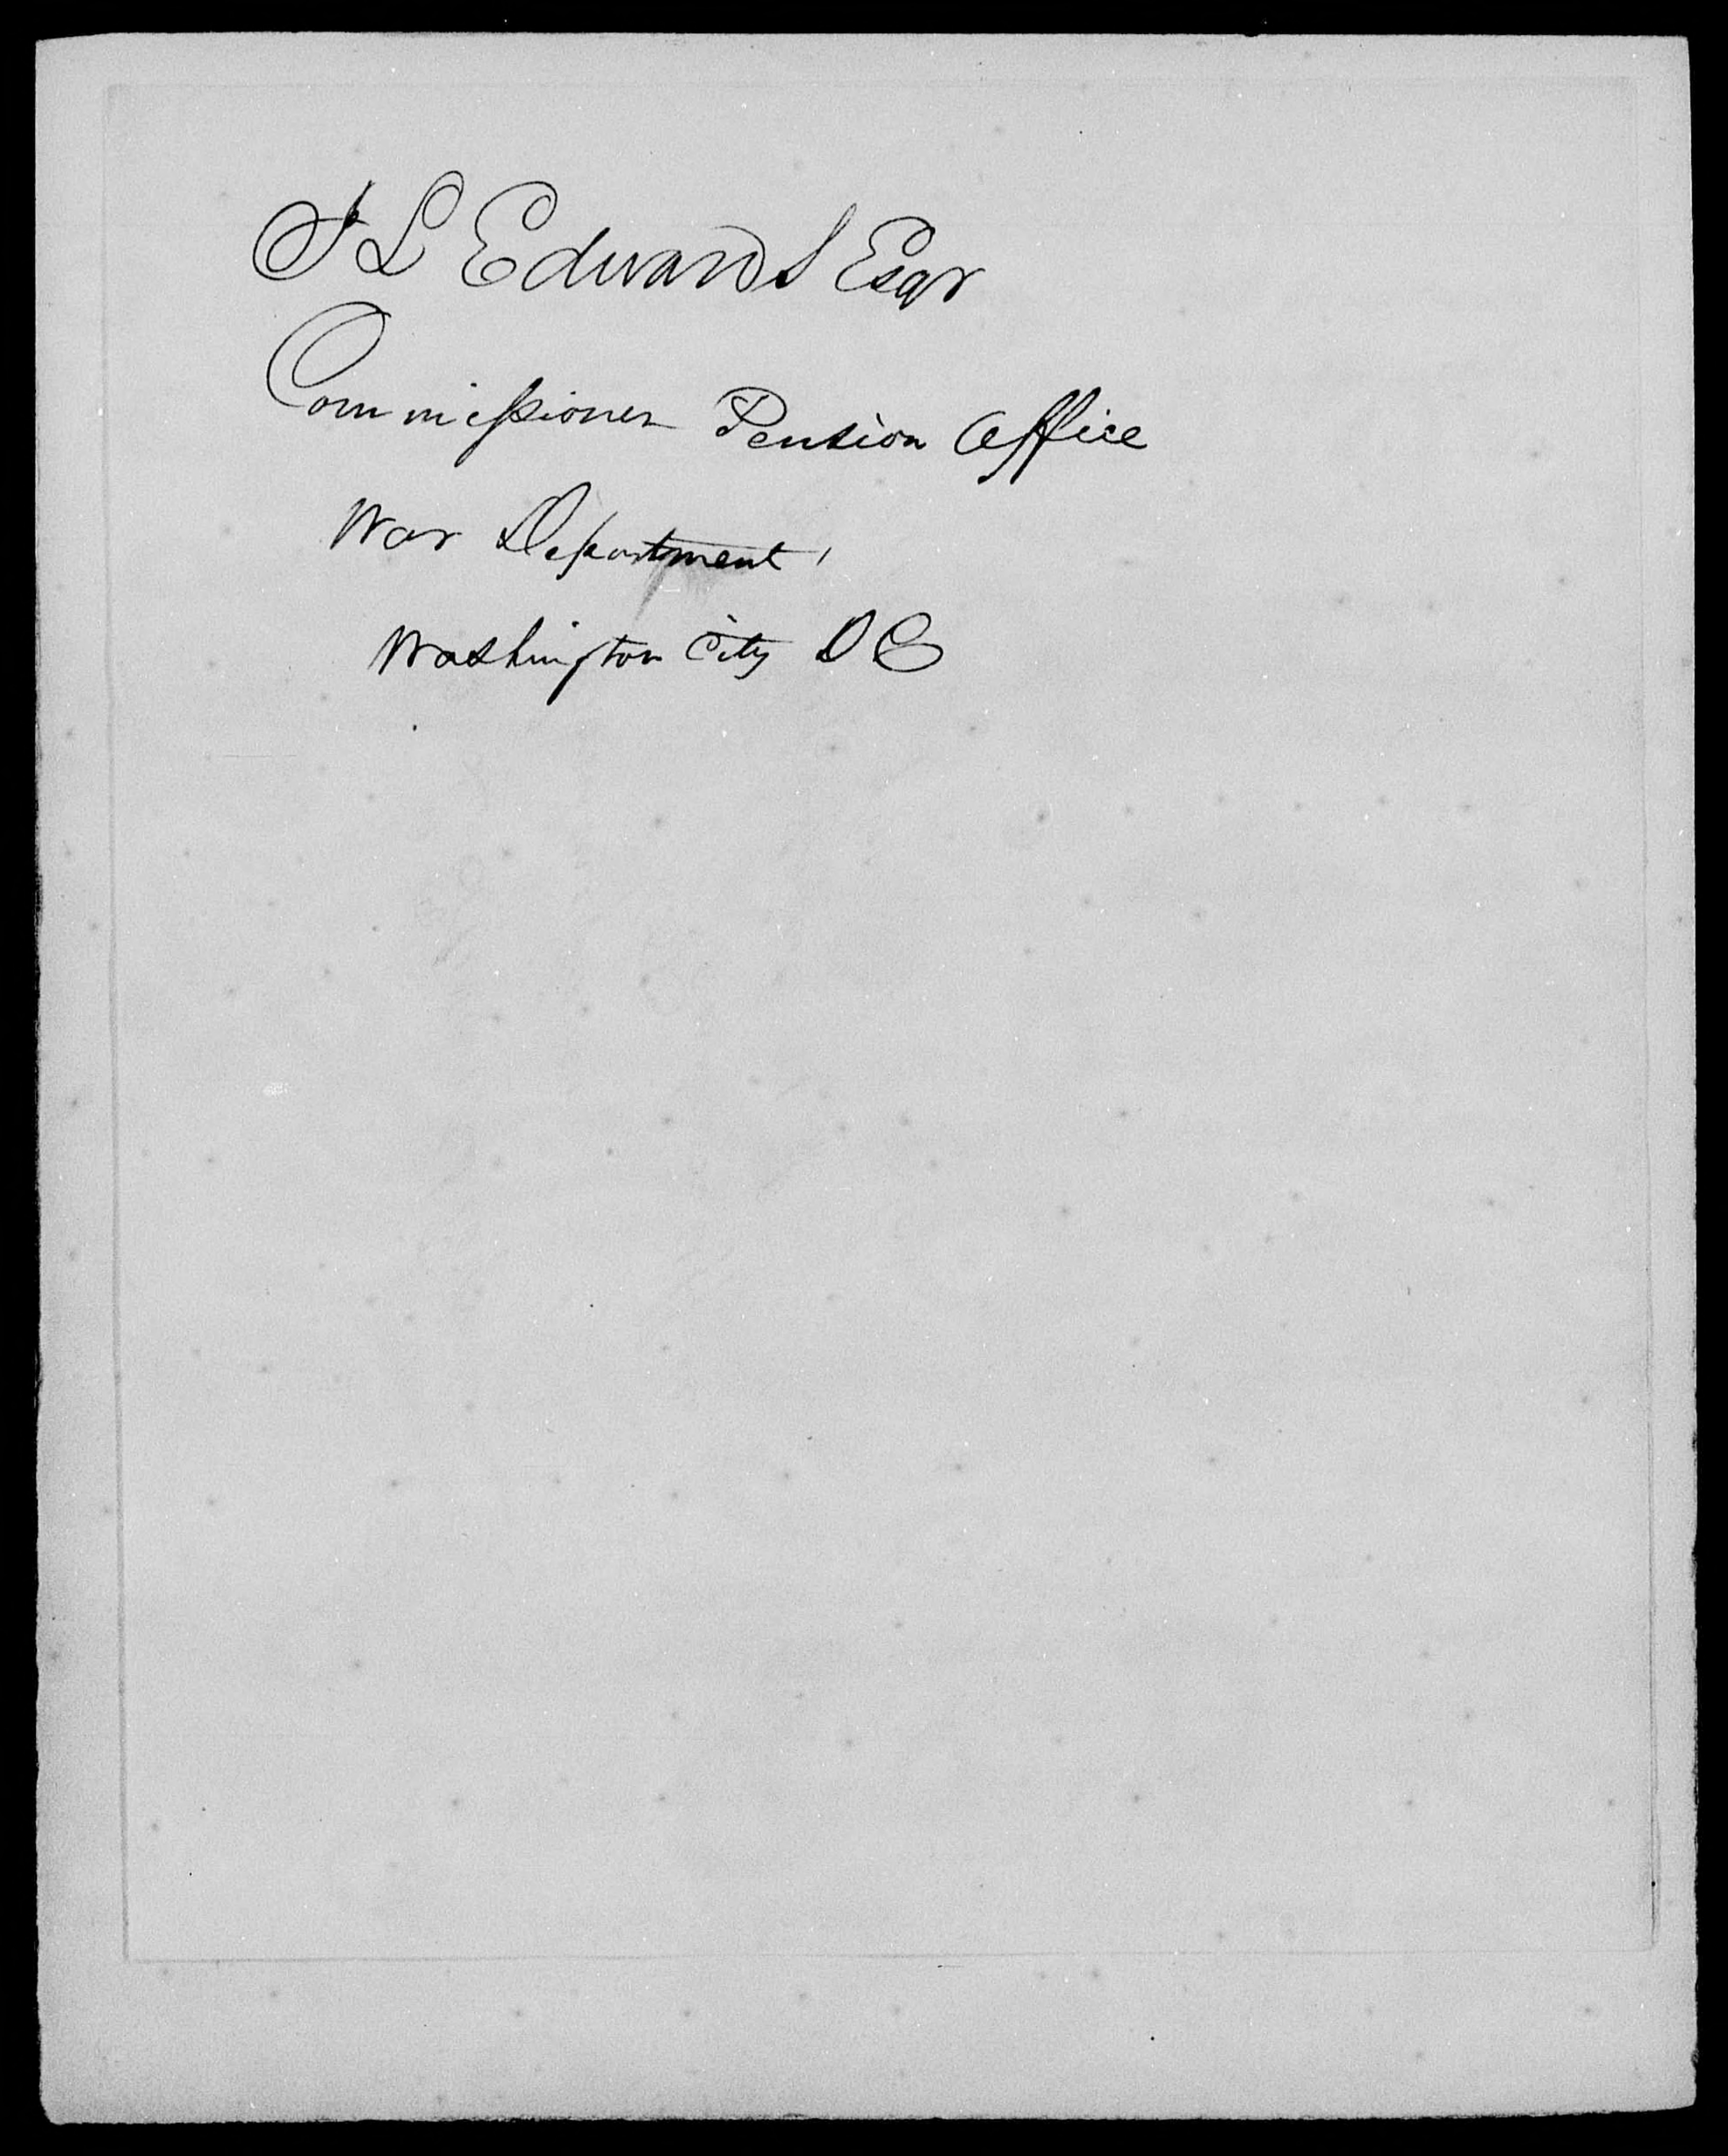J L Edwards Esqr
Commissioner Pension Office
War
Department
Washington City DC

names: J L Edwards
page: 30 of 36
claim: survivor's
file: S. 31,718, James Guffey, Penn.